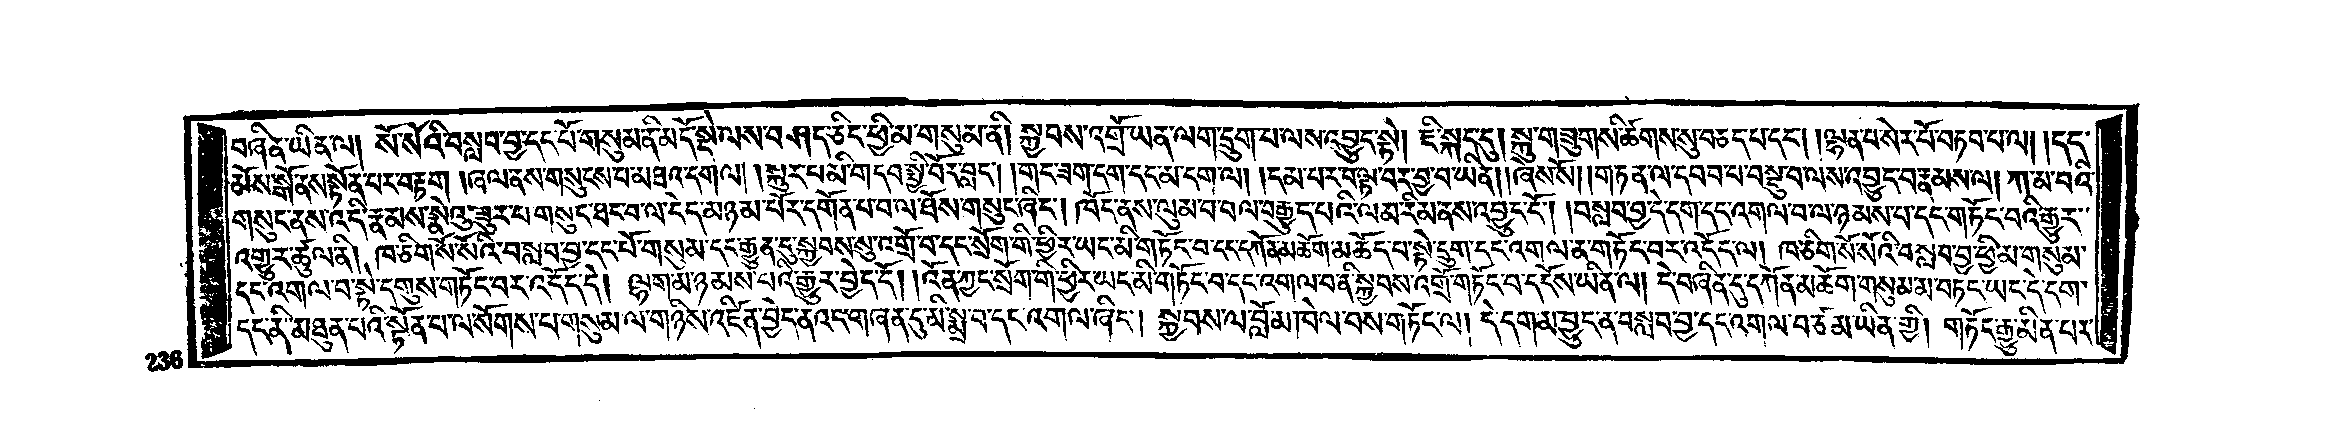བཞིན་ཡིན་ལ། སོ་སོའི་བསླབ་བྱ་དང་པོ་གསུམ་ནི་མདོ་སྡེ་ལས་བཤད་ཅིང་ཕྱི་མ་གསུམ་ནི། སྐྱབས་འགྲོ་ཡན་ལག་དྲུག་པ་ལས་འབྱུང་སྟེ། ཇི་སྐད་དུ། སྐུ་གཟུགས་ཚིགས་སུ་བཅད་པ་དང་། །ལྷན་པ་སེར་པོ་བཏབ་པ་ལ། །དད་
མོས་སྒོ་ནས་སྟོན་པར་བརྟག །ཞལ་ནས་གསུངས་པ་མཐའ་དག་ལ། །སྐུར་པ་མི་གད་པ་སྤྱི་བོར་བླང་། །གང་ཟག་དག་དང་མ་དག་ལ། །དམ་པར་བལྟ་བར་བྱ་བ་ཡིན། །ཞེས་སོ། །གཏན་ལ་དབབ་པ་བསྡུ་བ་ལས་འབྱུང་བ་རྣམས་ལ། ཀ་མ་བའི་
གསུང་ནས་འདི་རྣམས་སྣེའུ་ཟུར་པ་གསུང་ཐང་བ་ལ་ངེད་མཉམ་པོར་དགོན་པ་བ་ལ་ཐོས་གསུང་ཞིང་། ཁོང་ནས་ལུམ་པ་བ་ལ་བརྒྱུད་པའི་ལམ་རིམ་ནས་འབྱུང་ངོ། །བསླབ་བྱ་དེ་དག་དང་འགལ་བ་ལ་ཉམས་པ་དང་གཏོང་བའི་རྒྱུར་
འགྱུར་ཚུལ་ནི། ཁ་ཅིག་སོ་སོའི་བསླབ་བྱ་དང་པོ་གསུམ་དང་རྒྱུན་དུ་སྐྱབས་སུ་འགྲོ་བ་དང་སྲོག་གི་ཕྱིར་ཡང་མི་གཏོང་བ་དང་དཀོན་མཆོག་མཆོད་པ་སྟེ་དྲུག་དང་འགལ་ན་གཏོང་བར་འདོད་ལ། ཁ་ཅིག་སོ་སོའི་བསླབ་བྱ་ཕྱི་མ་གསུམ་
དང་འགལ་བ་སྟེ་དགུས་གཏོང་བར་འདོད་དེ། ལྷག་མ་ཉམས་པའི་རྒྱུར་བྱེད་དོ། །འོན་ཀྱང་སྲོག་གི་ཕྱིར་ཡང་མི་གཏོང་བ་དང་འགལ་བ་ནི་སྐྱབས་འགྲོ་གཏོང་བ་དངོས་ཡིན་ལ། དེ་བཞིན་དུ་དཀོན་མཆོག་གསུམ་མ་བཏང་ཡང་དེ་དག་
དང་མི་མཐུན་པའི་སྟོན་པ་ལ་སོགས་པ་གསུམ་ལ་གཉིས་འཛིན་བྱེད་ནའང་གཞན་དུ་མི་སྨྲ་བ་དང་འགལ་ཞིང་། སྐྱབས་ལ་བློ་མ་ཁེལ་བས་གཏོང་ལ། དེ་དག་མ་བྱུང་ན་བསླབ་བྱ་དང་འགལ་བ་ཙམ་ཡིན་གྱི། གཏོང་རྒྱུ་མིན་པར་